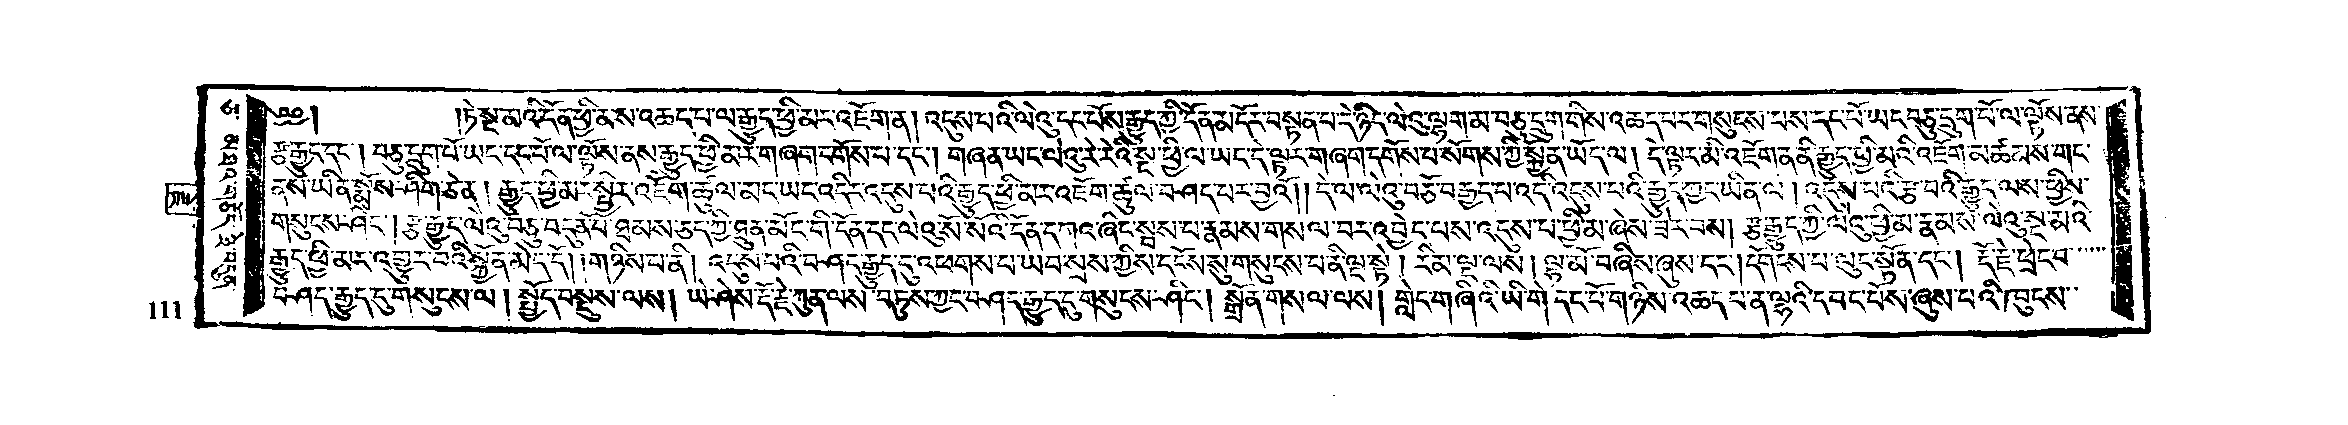༄༅། །ཏེ་སྔ་མའི་དོན་ཕྱི་མས་འཆད་པ་ལ་རྒྱུད་ཕྱི་མར་འཇོག་ན། འདུས་པའི་ལེའུ་དང་པོས་རྒྱུད་ཀྱི་དོན་མདོར་བསྟན་པ་དེ་ཉིད་ལེའུ་ལྷག་མ་བཅུ་དྲུག་གིས་འཆད་པར་གསུངས་པས་དང་པོ་ཡང་བཅུ་དྲུག་པོ་ལ་ལྟོས་ནས་
རྩ་རྒྱུད་དང་། བཅུ་དྲུག་པོ་ཡང་དང་པོ་ལ་ལྟོས་ནས་རྒྱུད་ཕྱི་མར་གཞག་དགོས་པ་དང་། གཞན་ཡང་ལེའུ་རེ་རེའི་སྔ་ཕྱི་ལ་ཡང་དེ་ལྟར་གཞག་དགོས་པ་སོགས་ཀྱི་སྐྱོན་ཡོད་ལ། དེ་ལྟར་མི་འཇོག་ན་ནི་རྒྱུད་ཕྱི་མའི་འཇོག་མཚམས་གང་
ནས་ཡིན་སྨྲོས་ཤིག་ཅེ་ན། རྒྱུད་ཕྱི་མར་སྤྱིར་འཇོག་ཚུལ་མང་ཡང་འདིར་འདུས་པའི་རྒྱུད་ཕྱི་མར་འཇོག་ཚུལ་བཤད་པར་བྱའོ། །དེ་ལ་ལེའུ་བཅོ་བརྒྱད་པ་འདི་འདུས་པའི་རྒྱུད་ཀྱང་ཡིན་ལ། འདུས་པའི་རྩ་བའི་རྒྱུད་ལས་ཕྱིས་
གསུངས་ཤིང་། རྩ་རྒྱུད་ལེའུ་བཅུ་བདུན་པོ་ཐམས་ཅད་ཀྱི་ཐུན་མོང་གི་དོན་དང་ལེའུ་སོ་སོའི་དོན་དགའ་ཞིང་སྦས་པ་རྣམས་གསལ་བར་འབྱེད་པས་འདུས་པ་ཕྱི་མ་ཞེས་ཟེར་བས། རྩ་རྒྱུད་ཀྱི་ལེའུ་ཕྱི་མ་རྣམས་ལེའུ་སྔ་མའི་
རྒྱུད་ཕྱི་མར་འགྱུར་བའི་སྐྱོན་མེད་དོ། །གཉིས་པ་ནི། འདུས་པའི་བཤད་རྒྱུད་དུ་འཕགས་པ་ཡབ་སྲས་ཀྱིས་དངོས་སུ་གསུངས་པ་ནི་ལྔ་སྟེ། རིམ་ལྔ་ལས། ལྷ་མོ་བཞིས་ཞུས་དང་། དགོངས་པ་ལུང་སྟོན་དང་། རྡོ་རྗེ་ཕྲེང་བ་
བཤད་རྒྱུད་དུ་གསུངས་ལ། སྤྱོད་བསྡུས་ལས། ཡེ་ཤེས་རྡོ་རྗེ་ཀུན་ལས་བཏུས་ཀྱང་བཤད་རྒྱུད་དུ་གསུངས་ཤིང་། སྒྲོན་གསལ་ལས། གླེང་གཞིའི་ཡི་གེ་དང་པོ་གཉིས་འཆད་པ་ན་ལྷའི་དབང་པོས་ཞུས་པའི་ཁུངས་